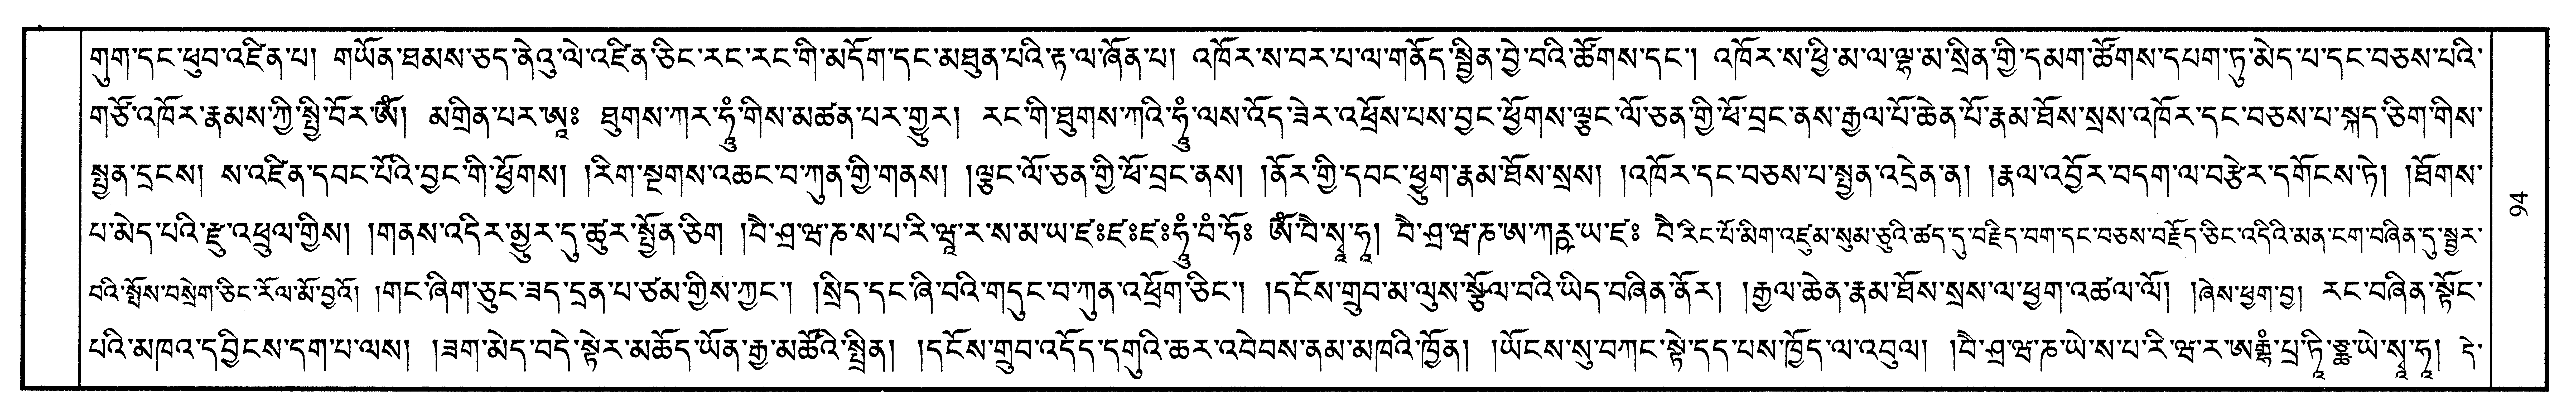གུག་དང་ཕུབ་འཛིན་པ། གཡོན་ཐམས་ཅད་ནེའུ་ལེ་འཛིན་ཅིང་རང་རང་གི་མདོག་དང་མཐུན་པའི་རྟ་ལ་ཞོན་པ། འཁོར་ས་བར་པ་ལ་གནོད་སྦྱིན་བྱེ་བའི་ཚོགས་དང་། འཁོར་ས་ཕྱི་མ་ལ་ལྷ་མ་སྲིན་གྱི་དམག་ཚོགས་དཔག་ཏུ་མེད་པ་དང་བཅས་པའི་
གཙོ་འཁོར་རྣམས་ཀྱི་སྤྱི་བོར་ཨོཾ། མགྲིན་པར་ཨཱཿ ཐུགས་ཀར་ཧཱུཾ་གིས་མཚན་པར་གྱུར། རང་གི་ཐུགས་ཀའི་ཧཱུཾ་ལས་འོད་ཟེར་འཕྲོས་པས་བྱང་ཕྱོགས་ལྕང་ལོ་ཅན་གྱི་ཕོ་བྲང་ནས་རྒྱལ་པོ་ཆེན་པོ་རྣམ་ཐོས་སྲས་འཁོར་དང་བཅས་པ་སྐད་ཅིག་གིས་
སྤྱན་དྲངས། ས་འཛིན་དབང་པོའི་བྱང་གི་ཕྱོགས། །རིག་སྔགས་འཆང་བ་ཀུན་གྱི་གནས། །ལྕང་ལོ་ཅན་གྱི་ཕོ་བྲང་ནས། །ནོར་གྱི་དབང་ཕྱུག་རྣམ་ཐོས་སྲས། །འཁོར་དང་བཅས་པ་སྤྱན་འདྲེན་ན། །རྣལ་འབྱོར་བདག་ལ་བརྩེར་དགོངས་ཏེ། །ཐོགས་
པ་མེད་པའི་རྫུ་འཕྲུལ་གྱིས། །གནས་འདིར་མྱུར་དུ་ཚུར་སྤྱོན་ཅིག །བཻ་ཤྲ་ཝ་ཎ་ས་པ་རི་ཝཱ་ར་ས་མ་ཡ་ཛཿ ཛཿ ཛཿ ཧཱུཾ་བཾ་ཧོཿ ཨོཾ་བཻ་སྭཱ་ཧཱ། བཻ་ཤྲ་ཝ་ཎ་ཨ་ཀརྵ་ཡ་ཛཿ བཻ་རིང་པོ་མིག་འཛུམ་སུམ་ཅུའི་ཚད་དུ་བརྗིད་བག་དང་བཅས་བརྗོད་ཅིང་འདིའི་མན་ངག་བཞིན་དུ་སྦྱར་
བའི་སྤོས་བསྲེག་ཅིང་རོལ་མོ་བྱའོ། །གང་ཞིག་ཅུང་ཟད་དྲན་པ་ཙམ་གྱིས་ཀྱང་། །སྲིད་དང་ཞི་བའི་གདུང་བ་ཀུན་འཕྲོག་ཅིང་། །དངོས་གྲུབ་མ་ལུས་སྩོལ་བའི་ཡིད་བཞིན་ནོར། །རྒྱལ་ཆེན་རྣམ་ཐོས་སྲས་ལ་ཕྱག་འཚལ་ལོ། །ཞེས་ཕྱག་བྱ། རང་བཞིན་སྟོང་
པའི་མཁའ་དབྱིངས་དག་པ་ལས། །ཟག་མེད་བདེ་སྟེར་མཆོད་ཡོན་རྒྱ་མཚོའི་སྤྲིན། །དངོས་གྲུབ་འདོད་དགུའི་ཆར་འབེབས་ནམ་མཁའི་ཁྱོན། །ཡོངས་སུ་བཀང་སྟེ་དད་པས་ཁྱོད་ལ་འབུལ། །བཻ་ཤྲ་ཝ་ཎ་ཡེ་ས་པ་རི་ཝ་ར་ཨརྒྷཾ་པྲ་ཏཱི་ཙྪ་ཡེ་སྭཱ་ཧཱ། དེ་